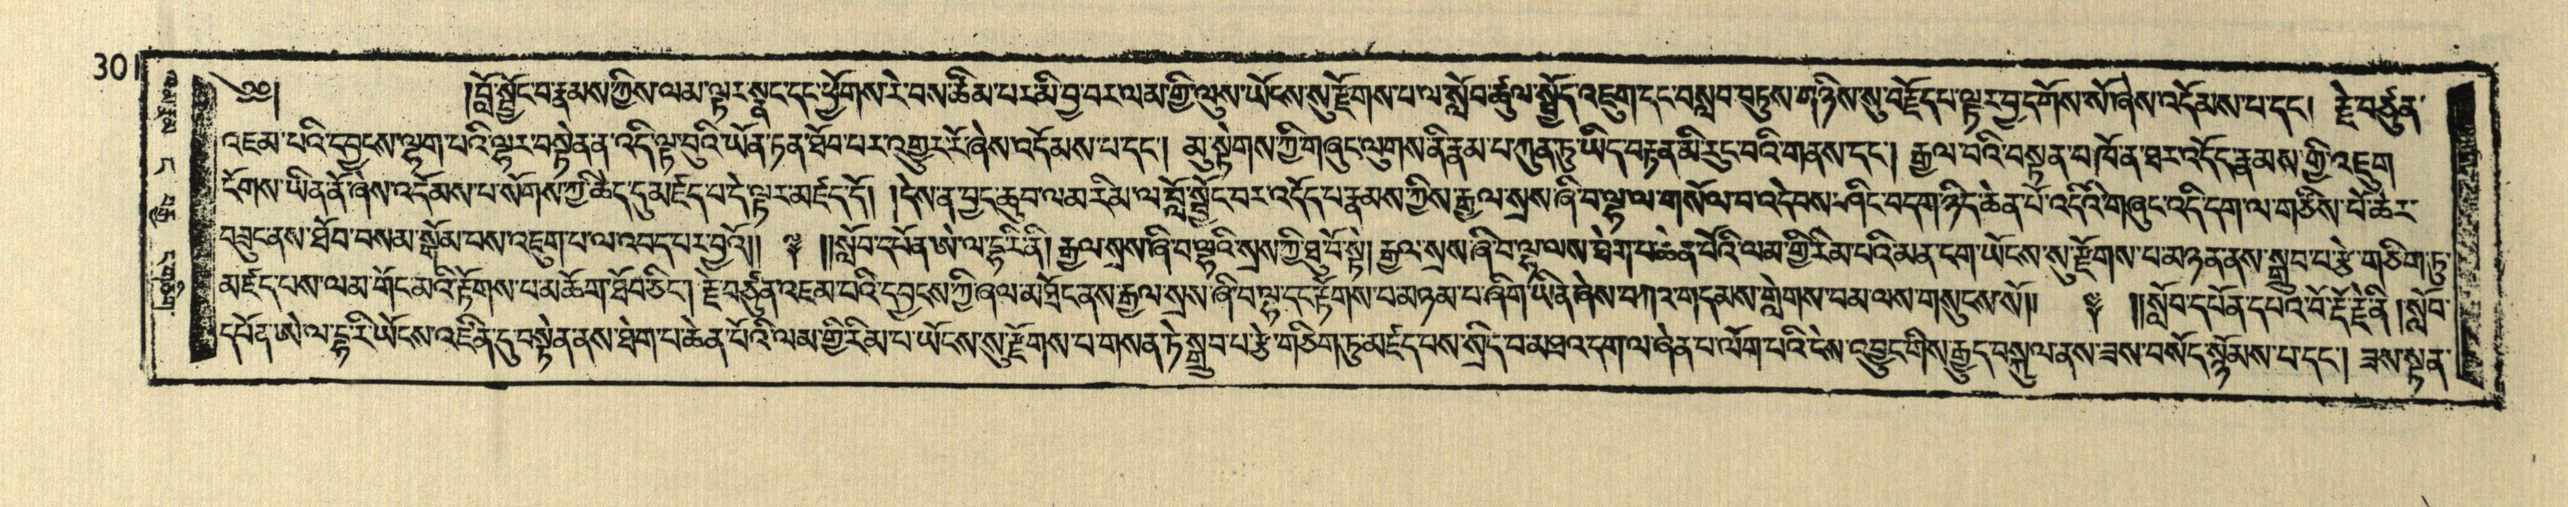༄༅། །བློ་སྦྱོང་བ་རྣམས་ཀྱིས་ལམ་ལྟར་སྣང་དང་ཕྱོགས་རེ་བས་ཚིམ་པར་མི་བྱ་བར་ལམ་གྱི་ལུས་ཡོངས་སུ་རྫོགས་པ་ལ་སློབ་ཚུལ་སྤྱོད་འཇུག་དང་བསླབ་བཏུས་གཉིས་སུ་བརྗོད་པ་ལྟར་བྱ་དགོས་སོ་ཞེས་འདོམས་པ་དང་། རྗེ་བཙུན་
འཇམ་དཔའི་དབྱངས་ལྷག་པའི་ལྷར་བསྟེན་ན་འདི་ལྟ་བུའི་ཡོན་ཏན་ཐོབ་པར་འགྱུར་རོ་ཞེས་འདོམས་པ་དང་། མུ་སྟེགས་ཀྱི་གཞུང་ལུགས་ནི་རྣམ་པ་ཀུན་ཏུ་ཡིད་བརྟན་མི་རུང་བའི་གནས་དང་། རྒྱལ་བའི་བསྟན་པ་ཁོ་ན་ཐར་འདོད་རྣམས་གྱི་འཇུག་
ངོགས་ཡིན་ནོ་ཞེས་འདོམས་པ་སོགས་ཀྱི་ཆེད་དུ་མཛད་པ་དེ་ལྟར་མཛད་དོ། །དེས་ན་བྱང་ཆུབ་ལམ་རིམ་ལ་བློ་སྦྱོང་བར་འདོད་པ་རྣམས་ཀྱིས་རྒྱལ་སྲས་ཞི་བ་ལྷ་ལ་གསོལ་བ་འདེབས་ཤིང་བདག་ཉིད་ཆེན་པོ་འདིའི་གཞུང་འདི་དག་ལ་གཙིས་པོ་ཆེར་
བཟུང་ནས་ཐོབ་བསམ་སྒོམ་བས་འཇུག་པ་ལ་འབད་པར་བྱའོ།། ༈ །།སློབ་དཔོན་ཨེ་ལ་དྷ་རི་ནི། རྒྱལ་སྲས་ཞི་བ་ལྷའི་སྲས་ཀྱི་ཐུ་བོ་སྟེ། རྒྱལ་སྲས་ཞི་བ་ལྷ་ལས་ཐེག་པ་ཆེན་པོའི་ལམ་གྱི་རིམ་པའི་མན་ངག་ཡོངས་སུ་རྫོགས་པ་མཉན་ནས་སྒྲུབ་པ་རྩེ་གཅིག་ཏུ་
མཛད་པས་ལམ་གོང་མའི་རྟོགས་པ་མཆོག་ཐོབ་ཅིང་། རྗེ་བཙུན་འཇམ་པའི་དབྱངས་ཀྱི་ཞལ་མཐོང་ནས་རྒྱལ་སྲས་ཞིབ་ལྷ་དང་རྟོགས་པ་མཉམ་པ་ཞིག་ཡིན་ཞེས་བཀའ་གདམས་གླེགས་བམ་ལས་གསུངས་སོ།། ༈ །།སློབ་དཔོན་དཔའ་བོ་རྡོ་རྗེ་ནི་།སློབ་
དཔོན་ཨེ་ལ་དྷ་རི་ཡོངས་འཛིན་དུ་བསྟེན་ནས་ཐེག་པ་ཆེན་པོའི་ལམ་གྱི་རིམ་པ་ཡོངས་སུ་རྫོགས་པ་གསན་ཏེ་སྒྲུབ་པ་རྩེ་གཅིག་ཏུ་མཛད་པས་སྲིད་བ་མཐའ་དག་ལ་ཞེན་པ་ལོག་པའི་ངེས་འབྱུང་གིས་རྒྱུད་བསྐུལ་ནས་ཟས་བསོད་སྙོམས་པ་དང་། ཟས་སྟན་